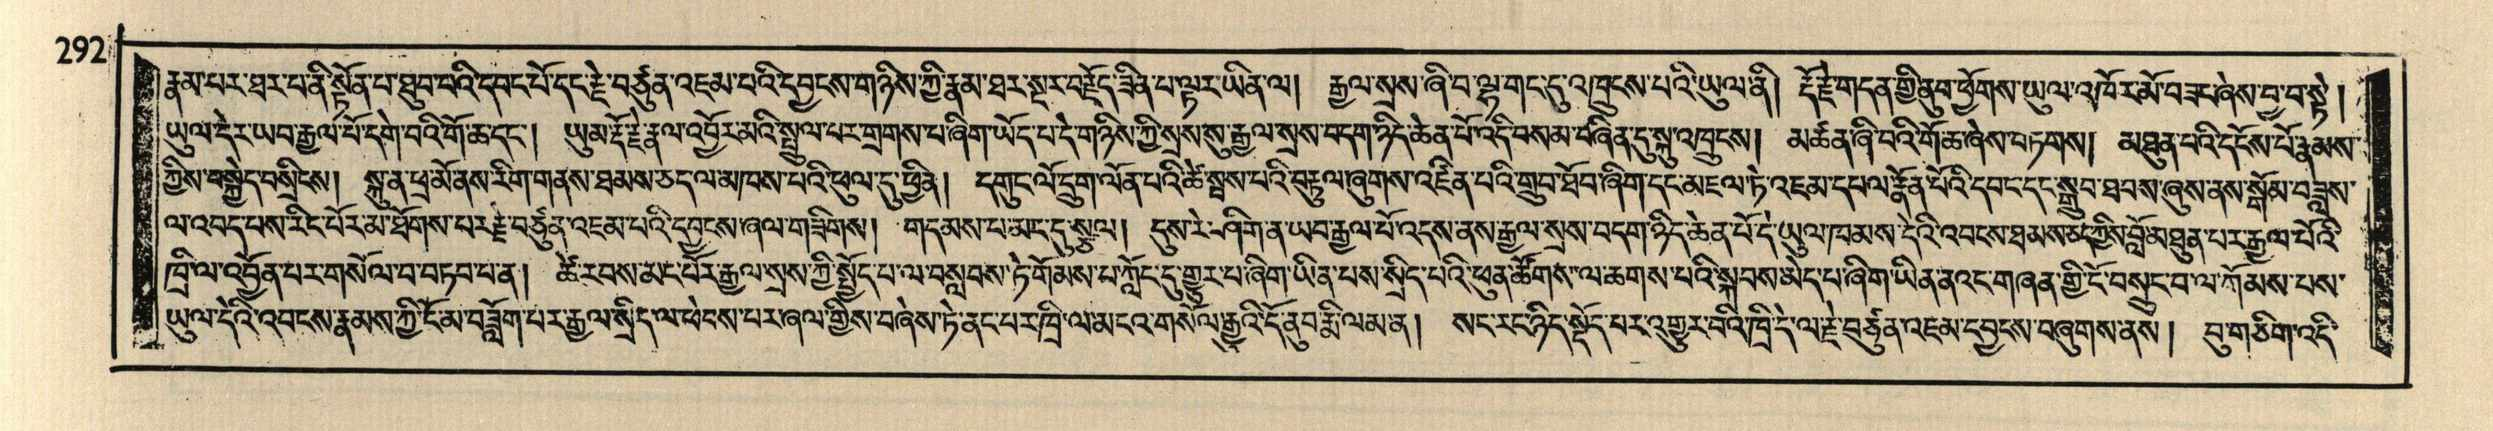རྣམ་པར་ཐར་པ་ནི་སྟོན་པ་ཐུབ་པའི་དབང་པོ་དང་རྗེ་བཙུན་འཇམ་པའི་དབྱངས་གཉིས་ཀྱི་རྣམ་ཐར་སྔར་བརྗོད་ཟིན་པ་ལྟར་ཡིན་ལ། རྒྱལ་སྲས་ཞི་བ་ལྷ་གང་དུ་འཁྲུངས་པའི་ཡུལ་ནི། རྡོ་རྗེ་གདན་གྱི་ནུབ་ཕྱོགས་ཡུལ་འཁོར་མོ་བཟང་ཞེས་བྱ་བ་སྟེ།
ཡུལ་དེར་ཡབ་རྒྱལ་པོ་དགེ་བའི་གོ་ཆ་དང་། ཡུམ་རྡོ་རྗེ་རྣལ་འབྱོར་མའི་སྤྲུལ་པར་གྲགས་པ་ཞིག་ཡོད་པ་དེ་གཉིས་ཀྱི་སྲས་སུ་རྒྱལ་སྲས་བདག་ཉིད་ཆེན་པོ་འདི་བསམ་བཞིན་དུ་སྐུ་འཁྲུངས། མཚན་ཞི་བའི་གོ་ཆ་ཞེས་བཏགས། མཐུན་པའི་དངོས་པོ་རྣམས་
ཀྱིས་བསྐྱེད་བསྲིངས། སྐུ་ན་ཕྲ་མོ་ནས་རིག་གནས་ཐམས་ཅད་ལ་མཁས་པའི་ཕུལ་དུ་ཕྱིན། དགུང་ལོ་དྲུག་ལོན་པའི་ཚེ་སྦས་པའི་བརྟུལ་ཞུགས་འཛིན་པའི་གྲུབ་ཐོབ་ཞིག་དང་མཇལ་ཏེ་འཇམ་དཔལ་རྣོན་པོའི་དབང་དང་སྒྲུབ་ཐབས་ཞུས་ནས་སྒོམ་བཟླས་
ལ་འབད་པས་རིང་པོར་མ་ཐོགས་པར་རྗེ་བཙུན་འཇམ་པའི་དབྱངས་ཞལ་གཟིགས། གདམས་པ་མང་དུ་སྩལ། དུས་རེ་ཤིག་ན་ཡབ་རྒྱལ་པོ་འདས་ནས་རྒྱལ་སྲས་བདག་ཉིད་ཆེན་པོ་དེ་ཡུལ་ཁམས་དེའི་འབངས་ཐམས་ཅད་ཀྱིས་བློ་མཐུན་པར་རྒྱལ་པོའི་
ཁྲི་ལ་འབྱོན་པར་གསོལ་བ་བཏབ་པ་ན། ཚེ་རབས་མང་པོར་རྒྱལ་སྲས་ཀྱི་སྤྱོད་པ་ལ་བསླབས་ཏེ་གོམས་པ་ཀློང་དུ་གྱུར་པ་ཞིག་ཡིན་པས་སྲིད་པའི་ཕུན་ཚོགས་ལ་ཆགས་པའི་སྐབས་མེད་པ་ཞིག་ཡིན་ནའང་གཞན་གྱི་ངོ་བསྲུང་བ་ལ་གོམས་པས་
ཡུལ་དེའི་འབངས་རྣམས་ཀྱི་ངོ་མ་བཟློག་པར་རྒྱལ་སྲིད་ལ་ཕེབས་པར་ཞལ་གྱིས་བཞེས་ཏེ་ནང་པར་ཁྲི་ལ་མངའ་གསོལ་རྒྱུའི་དོ་ནུབ་རྨི་ལམ་ན། སང་རང་ཉིད་སྡོད་པར་འགྱུར་བའི་ཁྲི་དེ་ལ་རྗེ་བཙུན་འཇམ་དབྱངས་བཞུགས་ནས། བུ་གཅིག་འདི་